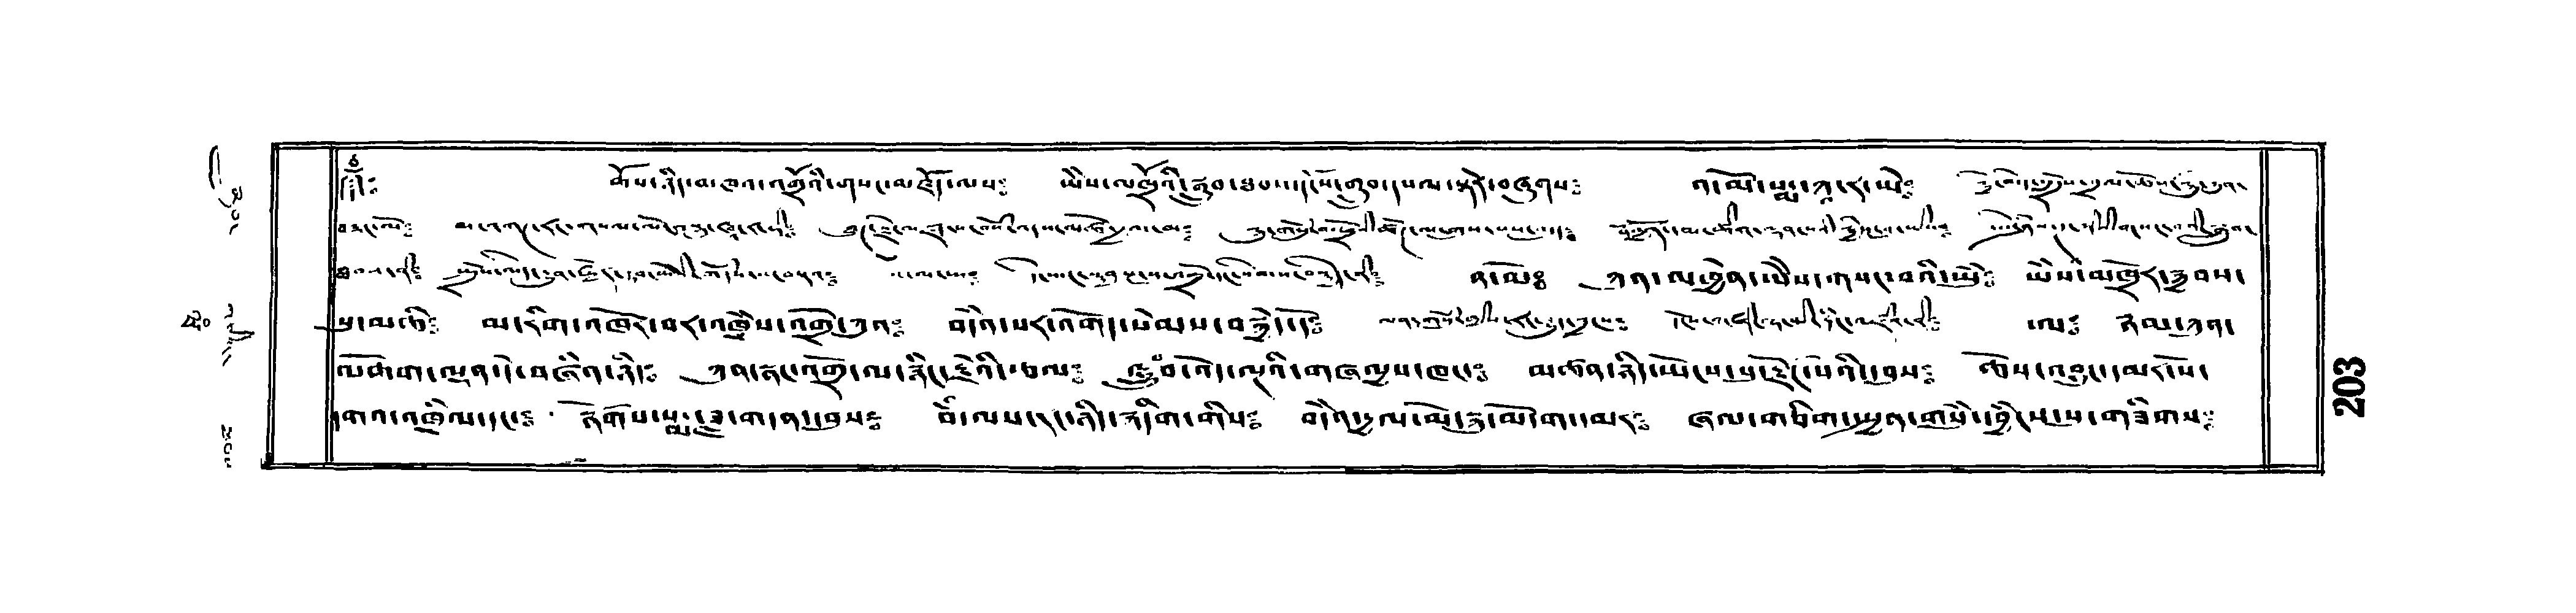ཆོས་ཉིད་མཁའ་འགྲོའི་གསང་མཛོད་ལས༔ ཡེ་ཤེས་མཁའ་འགྲོའི་སྒྲུབ་ཐབས་དངོས་གྲུབ་དཔལ་སྟེར་བཞུགས༔ ན་མོ་པདྨ་ཀཱ་ར་ཡེ༔ སྐྱེ་མེད་སྤྲོས་བྲལ་ཆོས་སྐུ་ཀུན་
བཟང་མོ༔ མ་འགགས་རང་གསལ་ལོངས་སྐུ་ཝཱ་ར་ཧི༔ ཐུགས་རྗེ་མཛད་པ་བསམ་འདས་མཚོ་རྒྱལ་མ༔ སྐུ་གསུམ་མཁའ་འགྲོའི་ཚོགས་ལ་གུས་པས་འདུད༔ རྣལ་འབྱོར་དམ་ཚིག་ལྡན་པའི་སྐྱེས་བུ་ཡིས༔ ཡེ་ཤེས་ཌཱ་ཀིའི་གསང་བའི་སྒྲུབ་
ཐབས་ནི༔ སྤྲོས་མེད་རྒྱུན་ཁྱེར་ཟག་མོའི་གདམས་པ་བསྟན༔ ས་མ་ཡ༔ དེ་ཡང་སྐྱབས་སུ་འགྲོ་དང་སེམས་བསྐྱེད་ནི༔ ན་མོཿ ཀུན་མཁྱེན་ཡེ་ཤེས་གསང་བའི་ཡུམ༔ ཡེ་ཤེས་མཁའ་འགྲོར་སྐྱབས་
སུ་མཆི༔ མ་རིག་འཁོར་བར་འཁྱམས་འགྲོ་ཀུན༔ བདེ་ཆེན་སར་འགོད་སེམས་བསྐྱེད་དོ༔ ལན་གསུམ་གྱིས་རང་རྒྱུད་སྦྱངས༔ དངོས་གཞི་ལྷ་ཡི་ཏིང་འཛིན་ནི༔ ཨཱཿ རྣམ་ཀུན་
མཆོག་ལྡན་དེ་བཞིན་ཉིད༔ ཀུན་སྣང་འགྲོ་ལ་སྙིང་རྗེའི་རྩལ༔ ལྷུན་གྲུབ་འོད་ལྔའི་གཞལ་ཡས་ཁང༔ མཚན་ཉིད་ཡོངས་སུ་རྫོགས་པའི་དབུས༔ ཆོས་འབྱུང་དམར་པོ་
དགའ་འཁྱིལ་དང༔ སྣ་ཚོགས་པདྨ་ཟླ་གདན་དབུས༔ བྃ་ལས་རང་ཉིད་སྐད་ཅིག་གིས༔ བདེ་ཆེན་རྒྱལ་མོ་སྐུ་མདོག་དམར༔ ཞལ་གཅིག་སྤྱན་གསུམ་དབྱིངས་སུ་གཟིགས༔